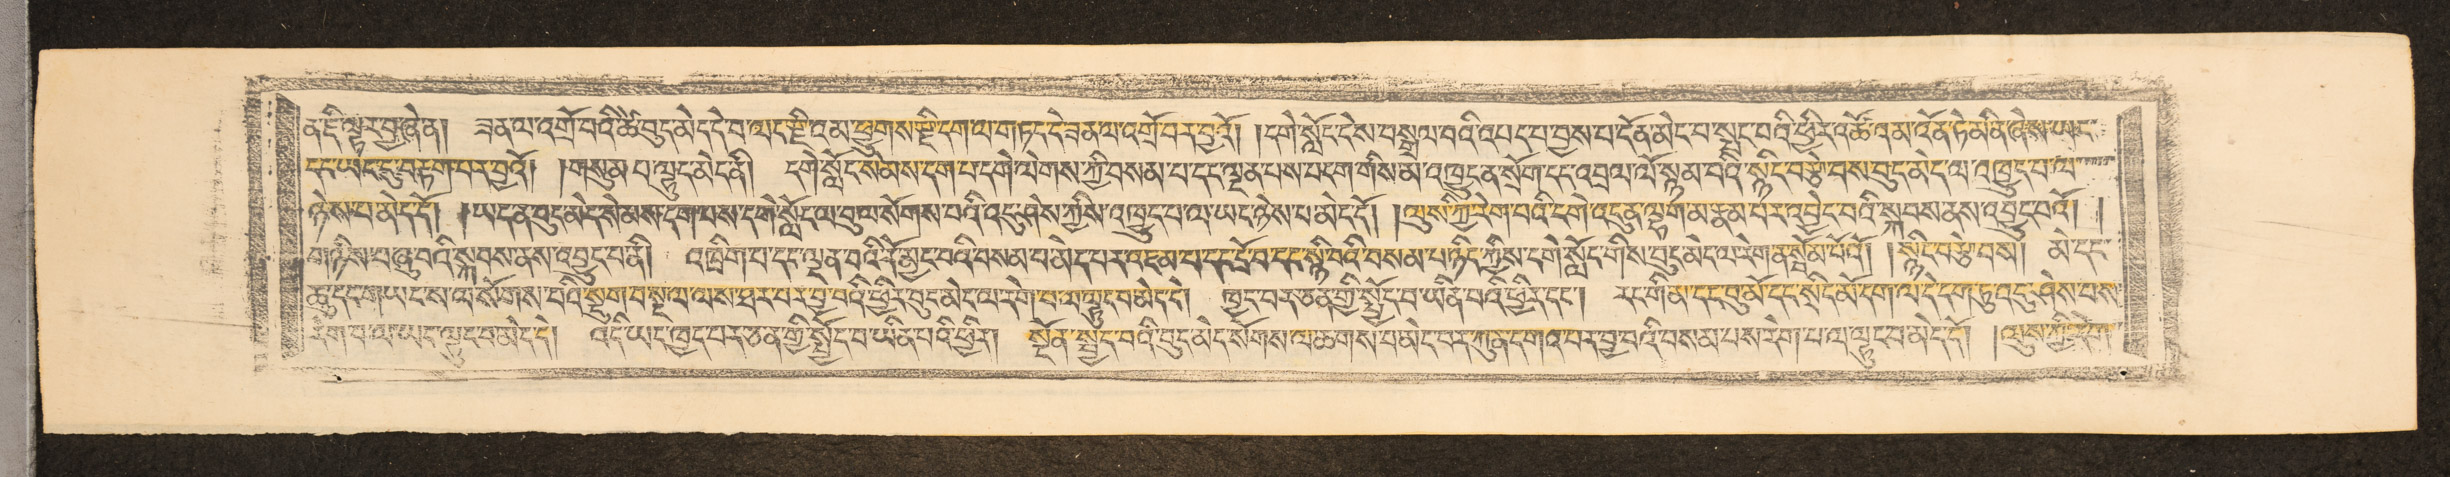ན་ཇི་ལྟར་བྱ་ཞེ་ན། ཟན་ལ་འགྲོ་བའི་ཚེ་བུད་མེད་དེ་བ་ལང་རྫི་འམ་ཕྱུགས་རྫི་དག་ལ་གཏད་དེ་ཟན་ལ་འགྲོ་བར་བྱའོ། །དགེ་སློང་ངེས་བསྒྲལ་བའི་འབར་པ་བྱས་པ་དོན་མེད་པ་སྤང་པའི་ཕྱིར་འཚོ་འམ་འོན་ཏེ་མིན་ཞེས་ཡང་
དང་ཡང་དུ་བརྟག་པར་བྱའོ། །གསུམ་པ་ལྟུང་མེད་ནི། དགེ་སློང་སེམས་དག་པ་དགེ་ལེགས་ཀྱི་བསམ་པ་དང་ལྡན་པས་བདག་གིས་མ་འཁྱུང་ན་སྲོག་དང་འབྲལ་ལོ་སྙམ་བའི་སྙིང་བརྩེ་བས་བུད་མེད་ལ་འཁྱུད་པ་ལ་
ཉེས་པ་མེད་དོ། །ཡང་ན་བུད་མེད་སེམས་དག་པས་དགེ་སློང་ལ་བུ་ལ་སོགས་པའི་འདུ་ཤེས་ཀྱིས་འཁྱུད་པ་ལ་ཡང་ཉེས་པ་མེད་དོ། །ལུས་ཀྱི་རེག་པའི་དགེ་འདུན་ལྷག་མ་རྣམ་པར་འབྱེད་པའི་སྐབས་ནས་འབྱུང་བའོ། །
གཉིས་པ་ཞུ་བའི་སྐབས་ནས་འབྱུང་བ་ནི། འཁྲིག་པ་དང་ལྡན་པའི་རོ་མྱང་བའི་བསམ་པ་མེད་པར་འཇམ་པ་དང་དྲོ་བ་དང་སྙི་བའི་བསམ་པ་ཉིད་ཀྱིས་དགེ་སློང་གིས་བུད་མེད་ལ་རེག་ན་སྤོམ་པོའོ། །སྙིང་བརྩེ་བས། མེ་དང་
ཆུ་དང་གཡང་ས་ལ་སོགས་པའི་སྡུག་བསྔལ་ལས་ཐར་བར་བྱ་བའི་ཕྱིར་བུད་མེད་ལ་རེག་པ་ལ་ལྟུང་བ་མེད་དེ། ཁྱད་པར་ཅན་གྱི་སྦྱོད་བ་ཡིན་པའི་ཕྱིར་དང་། རང་གི་མ་དང་བུ་མོ་དང་སྲིང་མོ་དག་ལ་དེ་དག་ཏུ་འདུ་ཤེས་པས་
རེག་པ་ལ་ཡང་ལྟུང་བ་མེད་དེ། འདི་ཡང་ཁྱད་པར་ཅན་གྱི་སྦྱོད་པ་ཡིན་པའི་ཕྱིར། སྔོན་སྤྱད་པའི་བུད་མེད་སོགས་ལ་ཆགས་པ་མེད་པར་ཀུན་དགའ་པར་བྱ་བའི་བསམ་པས་རེག་པ་ལ་ལྟུང་བ་མེད་དོ། །ལུས་ཀྱི་རེག་